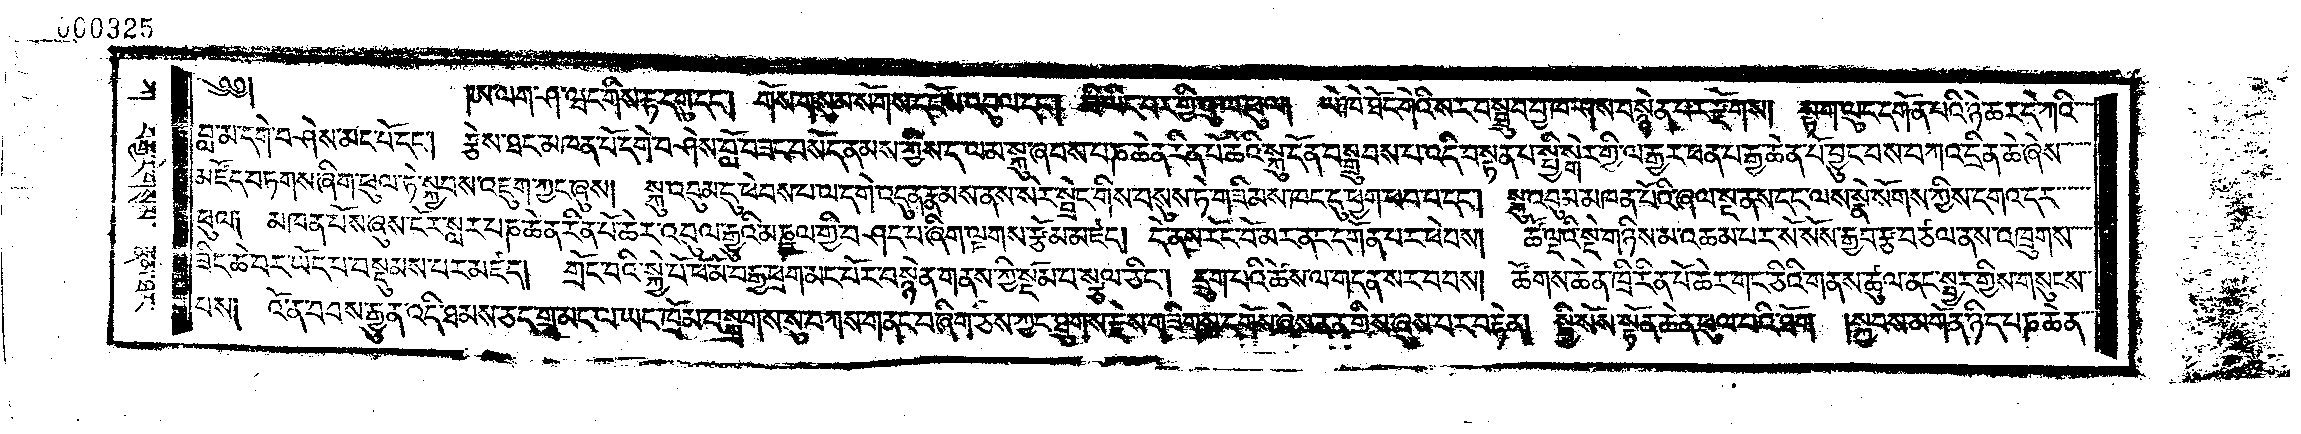༄༅། །ཨ་ལག་ཤ་ཝང་གིས་རྟ་དགུ་དང་། གོས་གསུམ་སོགས་དངོས་འབུལ་དང་། ཟི་ལིང་བར་གྱི་འུ་ལ་ཕུལ། ཡེ་ཁེ་ཐོང་གེའི་སར་བསྒྲུབ་བྱ་ཁ་ཤས་བསྙེན་པར་རྫོགས། སྟག་ལུང་དགོན་པའི་ཉེ་ཆར་དེ་ཀའི་
བླ་མ་དགེ་བཤེས་མང་པོ་དང་། རྩེས་ཐང་མཁན་པོ་དགེ་བཤེས་བློ་བཟང་བསོད་ནམས་ཀྱིས་ད་ལམ་སྐུ་ཞབས་པཎ་ཆེན་རིན་པོ་ཆེའི་སྐུ་དོན་བསྒྲུབས་པ་འདི་བསྟན་པ་སྤྱི་སྒེར་གྱི་ལ་རྒྱར་ཕན་པ་རྒྱ་ཆེན་པོ་བྱུང་བས་བཀའ་དྲིན་ཆེ་ཞེས་
མཛོད་བཏགས་ཞིག་ཕུལ་ཏེ་སྐྱབས་འཇུག་ཀྱང་ཞུས། སྐུ་འབུམ་དུ་ཕེབས་པ་ལ་དགེ་འདུན་རྣམས་ནས་སེར་སྦྲེང་གིས་བསུས་ཏེ་གཟིམས་ཁང་དུ་ཕྱག་ཕབ་པ་དང་། སྐུ་འབུམ་མཁན་པོའི་ཞལ་སྔ་ནས་དང་ལས་སྣེ་སོགས་ཀྱིས་དགའ་དར་
ཕུལ༑ མཁན་པོས་ཞུས་ངོར་སླར་པཎ་ཆེན་རིན་པོ་ཆེར་འབུལ་རྒྱུའི་མཎྜལ་གྱི་བཤད་པ་ཞིག་ལྗགས་རྩོམ་མཛད། དེ་ནས་རོང་བོ་མར་ནང་དགོན་པར་ཕེབས། ཚོ་ལྔའི་སྡེ་གཉིས་མ་འཆམ་པར་སོ་སོས་རྒྱབ་རྩ་བཙལ་ནས་འཁྲུགས་
ཟིང་ཆེ་བར་ཡོད་པ་བསྡུམས་པར་མཛད། གྲོང་བའི་སྐྱེ་བོ་ཕོ་མོ་བརྒྱ་ཕྲག་མང་པོར་བསྙེན་གནས་ཀྱི་སྡོམ་པ་སྩལ་ཅིང་། དྲུག་པའི་ཚེས་ལ་གདན་སར་བབས། ཚོགས་ཆེན་ཁྲི་རིན་པོ་ཆེར་གང་ཅིའི་གནས་ཚུལ་ནང་སྦྱར་གྱིས་གསུངས་
པས༑ འོ་ན་བབས་རྒྱུན་འདི་ཐམས་ཅད་གྲྭ་མང་ལ་ཡང་ཁྲོམ་བསྒྲགས་སུ་བཀས་གནང་བ་ཞིག་ཅིས་ཀྱང་ཐུགས་རྗེས་གཟིགས་དགོས་ཞེས་ནན་གྱིས་ཞུས་པར་བརྟེན། སྤྱི་སོས་སྟོན་ཆེན་ཕུལ་པའི་ཐོག །སྐྱབས་མགོན་ཉིད་པཎ་ཆེན་